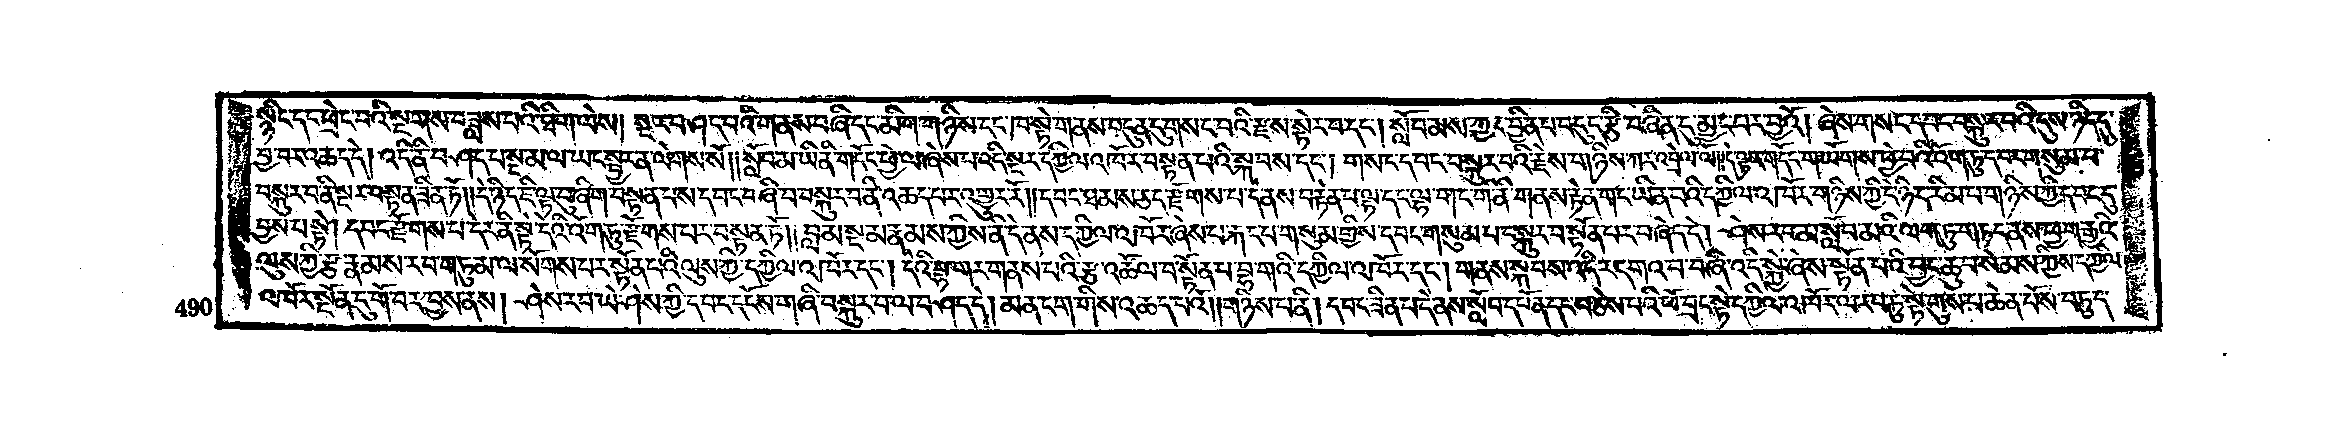སྙིང་དང་ཕྲེང་བའི་སྔགས་བཟླས་པའི་ཐིག་ལེས། སྔར་བཤད་པའི་གནས་བཞི་དང་མིག་གཉིས་དང་ཁ་སྟེ་གནས་བདུན་དུ་གསང་བའི་རྫས་སྟེར་བ་དང་། སློབ་མས་ཀྱང་བྱིན་པ་བདུད་རྩི་བཞིན་དུ་མྱང་བར་བྱའོ། ཞེས་གསང་དབང་བསྐུར་བའི་དུས་ཉིད་དུ་
བྱ་བར་འཆད་དེ། འདི་ནི་བཤད་པ་སྔ་མ་ལ་ཡང་སྦྱར་ན་ལེགས་སོ། །སློབ་མ་ཡི་ནི་གདོང་ཕྱེ་ལ་ཞེས་པ་འདི་སྔར་དཀྱིལ་འཁོར་བསྟན་པའི་སྐབས་དང་། གསང་དབང་བསྐུར་བའི་རྗེས་གཉིས་ཀར་འབྲེལ་ལོ། །དེ་ལྟར་གདོང་གཡོགས་ཕྱེ་བའི་འོག་ཏུ་དབང་གསུམ་པ་
བསྐུར་བ་ནི་སྔར་བསྟན་ཟིན་ཏོ། །དེ་ཉིད་ཇི་ལྟ་བུ་ཞིག་བསྟན་པས་དབང་བཞི་བ་བསྐུར་བ་ནི་འཆད་པར་འགྱུར་རོ། །དབང་ཐམས་ཅད་རྫོགས་པ་དེ་ནས་བརྟེན་པ་ལྷ་དང་ལྷ་གང་གི་ནི་གནས་རྟེན་གང་ཡིན་པའི་དཀྱིལ་འཁོར་གཉིས་ཀྱི་དེ་ཉིད་རིམ་པ་གཉིས་ཀྱི་དབང་དུ་
བྱས་པ་སྟེ། དབང་རྫོགས་པ་དེར་ནི་སྟེ་དེའི་འོག་ཏུ་རྫོགས་པར་བསྟན་ཏོ། །བླ་མ་སྔ་མ་རྣམས་ཀྱིས་ནི་དེ་ནས་དཀྱིལ་འཁོར་ཞེས་པ་རྐང་པ་གསུམ་གྱིས་དབང་གསུམ་པ་བསྐུར་བ་སྟོན་པར་བཞེད་དེ། ཤེས་རབ་མ་སློབ་མའི་ལག་ཏུ་གཏད་ནས་ཕྱག་རྒྱའི་
ལུས་ཀྱི་རྩ་རྣམས་རབ་གཏུམ་ལ་སོགས་པར་སྟོན་པའི་ལུས་ཀྱི་དཀྱིལ་འཁོར་དང་། དེའི་བྷ་གར་གནས་པའི་རྩ་འཚོལ་བ་སྟོན་པ་བྷ་གའི་དཀྱིལ་འཁོར་དང་། གནས་སྐབས་འདིར་དགའ་བ་བཞི་འདི་སྐྱེ་ཞེས་སྟོན་པའི་བྱང་ཆུབ་སེམས་ཀྱིས་དཀྱིལ་
འཁོར་སྔོན་དུ་གོ་བར་བྱས་ནས། ཤེས་རབ་ཡེ་ཤེས་ཀྱི་དབང་དངོས་གཞི་བསྐུར་བ་ལ་བཤད་དེ། མན་ངག་གིས་འཆད་པའོ། །གཉིས་པ་ནི། དབང་ཟིན་པ་དེ་ནས་སློབ་དཔོན་དང་བཅས་པའི་ཕོ་བྲང་སྟེ་དཀྱིལ་འཁོར་ལ་རབ་ཏུ་སྟེ་གུས་པ་ཆེན་པོས་བཏུད་